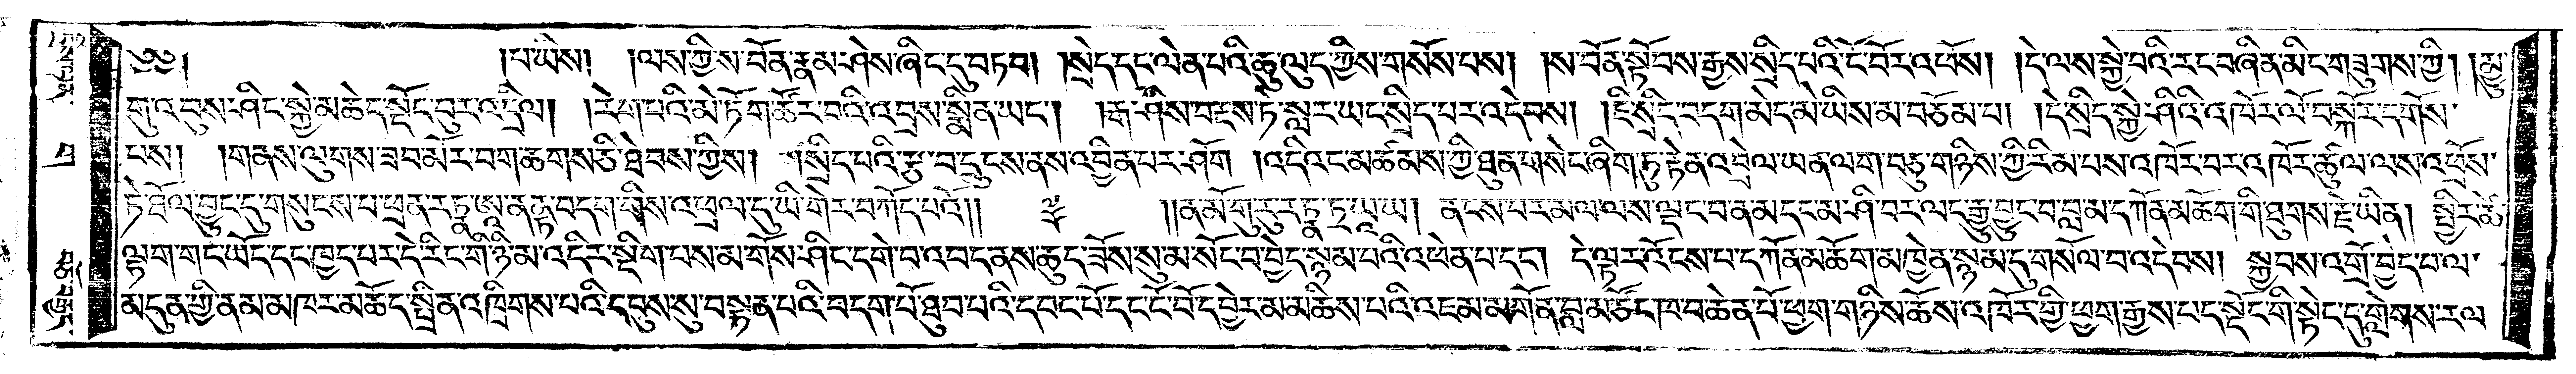༄༅། །པ་ཡིས། །ལས་ཀྱི་ས་བོན་རྣམ་ཤེས་ཞིང་དུ་བཏབ། །སྲེད་དང་ལེན་པའི་ཆུ་ལུད་ཀྱིས་གསོས་པས། །ས་བོན་སྟོབས་རྒྱས་སྲིད་པའི་ངོ་བོར་འཕོས། །དེ་ལས་སྐྱེ་བའི་རང་བཞིན་མིང་གཟུགས་ཀྱི། །མྱུ་
གུ་འབུས་ཤིང་སྐྱེ་མཆེད་སྡོང་བུར་འདྲིལ། །རེག་པའི་མེ་ཏོག་ཚོར་བའི་འབྲས་སྨིན་ཡང་། །རྒ་ཤིས་བརྔས་ཏེ་སླར་ཡང་སྲིད་པར་འདེབས། །ཇི་སྲིད་བདག་མེད་མེ་ཡིས་མ་བཅོམ་པ། །དེ་སྲིད་སྐྱེ་ཤིའི་འཁོར་ལོ་བསྐོར་དགོས་
པས། །གནས་ལུགས་ཟབ་མོད་བག་ཆགས་ཅི་ཐེབས་ཀྱིས། །སྲིད་པའི་རྩ་བ་དྲུངས་ནས་འབྱིན་པར་ཤོག །འདིའང་མཚམས་ཀྱི་ཐུན་གསེབ་ཞིག་ཏུ་རྟེན་འབྲེལ་ཡན་ལག་བཅུ་གཉིས་ཀྱི་རིམ་པས་འཁོར་བར་འཁོར་ཚུལ་ལས་འཕྲོས་
ཏེ་ཐོལ་བྱུང་དུ་གསུངས་པ་ཕྲན་རཏྣ་ཨཱ་ནནྟ་བདག་གིས་འཕྲལ་དུ་ཡི་གེར་བཀོད་བའོ།། ༈ །།ན་མོ་གུ་རུ་རཏྣ་ཏྲ་ཡཱ་ཡ། ནངས་པར་མལ་ལས་ལྡང་བ་ན་མདང་མ་ཤི་བར་ལང་རྒྱུ་བྱུང་བ་བླ་མ་དཀོན་མཆོག་གི་ཐུགས་རྗེ་ཡིན། སྤྱིར་ཚེ་
ལྷག་གང་ཡོད་དང་ཁྱད་པར་དེ་རིང་གི་ཉི་མ་འདིར་སྡིག་པས་མ་གོས་ཤིང་དགེ་བ་འབད་ནས་ཆུང་ཟོས་སུ་མ་སོང་བ་བྱེད་སྙམ་པའི་འཕེན་པ་དང་། དེ་ལྟར་འོངས་པ་དཀོན་མཆོག་མཁྱེན་སྙམ་དུ་གསོལ་བ་འདེབས། སྐྱབས་འགྲོ་བྱེད་པ་ལ་
མདུན་གྱི་ནམ་མཁར་མཆོད་སྤྲིན་འཁྲིགས་པའི་དབུས་སུ་བསྟན་པའི་བདག་པོ་ཐུབ་པའི་དབང་པོ་དང་ངོ་བོ་དབྱེར་མ་མཆིས་པའི་འཇམ་མགོན་བླ་མྩོང་ཁ་པ་ཆེན་པོ་ཕྱག་གཉིས་ཆོས་འཁོར་གྱི་ཕྱག་རྒྱས་པད་སྡོང་གི་སྟེང་དུ་གླེགས་རལ་